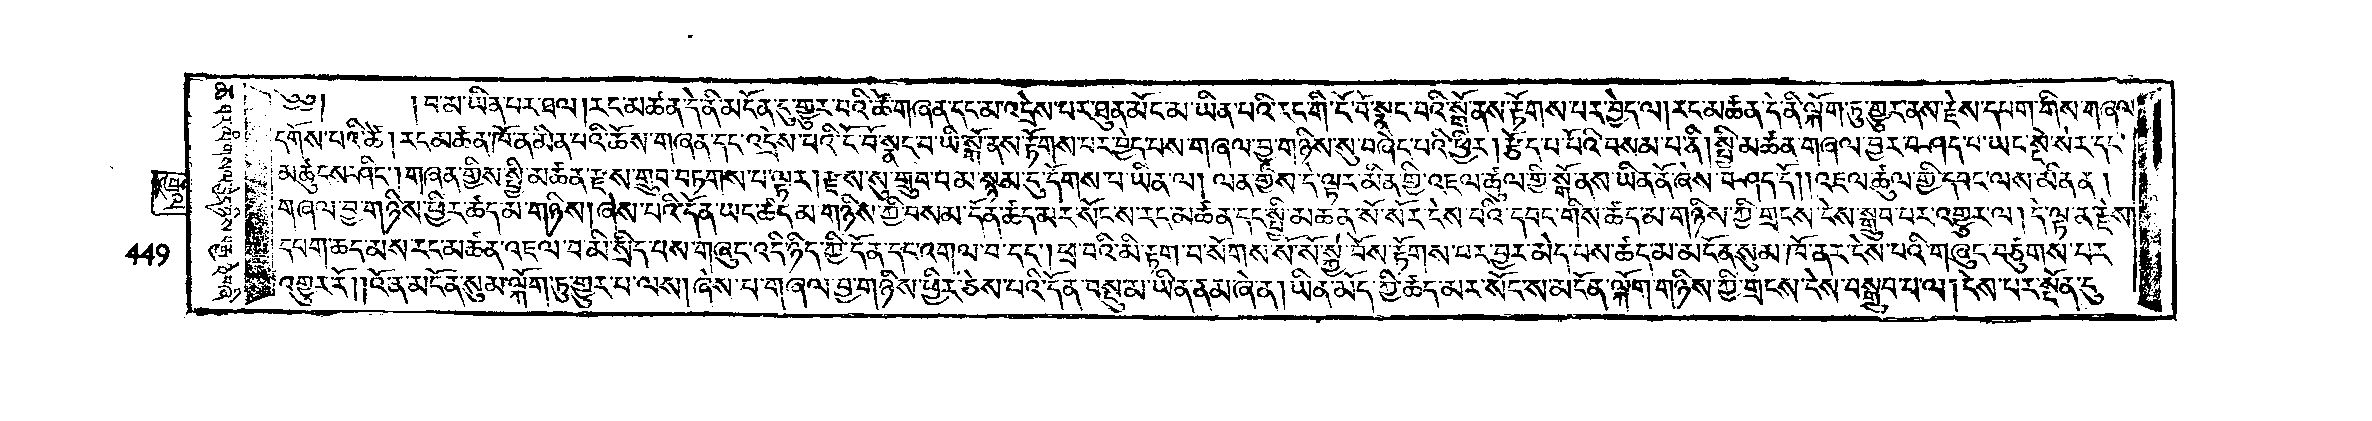༄༅། །བ་མ་ཡིན་པར་ཐལ། རང་མཚན་དེ་ནི་མངོན་དུ་གྱུར་པའི་ཚེ་གཞན་དང་མ་འདྲེས་པར་ཐུན་མོང་མ་ཡིན་པའི་རང་གི་ངོ་བོ་སྣང་བའི་སྒོ་ནས་རྟོགས་པར་བྱེད་ལ། རང་མཚན་དེ་ནི་ལྐོག་ཏུ་གྱུར་ནས་རྗེས་དཔག་གིས་གཞལ་
དགོས་པའི་ཚེ། རང་མཚན་ཁོ་ན་མིན་པའི་ཆོས་གཞན་དང་འདྲེས་པའི་ངོ་བོ་སྣང་བ་ཡི་སྒོ་ནས་རྟོགས་པར་བྱེད་པས་གཞལ་བྱ་གཉིས་སུ་བཞེད་པའི་ཕྱིར། རྩོད་པ་པོའི་བསམ་པ་ནི། སྤྱི་མཚན་གཞལ་བྱར་བཤད་པ་ཡང་སྔོ་སེར་དང་
མཚུངས་ཤིང་། གཞན་གྱིས་སྤྱི་མཚན་རྫས་གྲུབ་བཏགས་པ་ལྟར། རྫས་སུ་གྲུབ་པ་མ་སྙམ་དུ་དོགས་པ་ཡིན་ལ། ལན་གྱིས་དེ་ལྟར་མིན་གྱི་འཇལ་ཚུལ་གྱི་སྒོ་ནས་ཡིན་ནོ་ཞེས་བཤད་དོ། །འཇལ་ཚུལ་གྱི་དབང་ལས་མིན་ན།
གཞལ་བྱ་གཉིས་ཕྱིར་ཚད་མ་གཉིས། ཞེས་པའི་དོན་ཡང་ཚད་མ་གཉིས་ཀྱི་བསམ་དོན་ཚད་མར་སོང་ས་རང་མཚན་དང་སྤྱི་མཚན་སོ་སོར་ངེས་པའི་དབང་གིས་ཚད་མ་གཉིས་ཀྱི་གྲངས་ངེས་སྒྲུབ་པར་འགྱུར་ལ། དེ་ལྟ་ན་རྗེས་
དཔག་ཚད་མས་རང་མཚན་འཇལ་བ་མི་སྲིད་པས་གཞུང་འདི་ཉིད་ཀྱི་དོན་དང་འགལ་བ་དང་། ཕྲ་བའི་མི་རྟག་པ་སོགས་སོ་སོ་སྐྱེ་བོས་རྟོགས་པར་བྱར་མེད་པས་ཚད་མ་མངོན་སུམ་ཁོ་ནར་ངེས་པའི་གཞུང་བཙུགས་པར་
འགྱུར་རོ། །འོ་ན་མངོན་སུམ་ལྐོག་ཏུ་གྱུར་པ་ལས། ཞེས་པ་གཞལ་བྱ་གཉིས་ཕྱིར་ཅེས་པའི་དོན་བསྡུ་མ་ཡིན་ནམ་ཞེ་ན། ཡིན་མོད་ཀྱི་ཚད་མར་སོང་ས་མངོན་ལྐོག་གཉིས་ཀྱི་གྲངས་ངེས་བསྒྲུབ་པ་ལ། ངེས་པར་སྔོན་དུ་